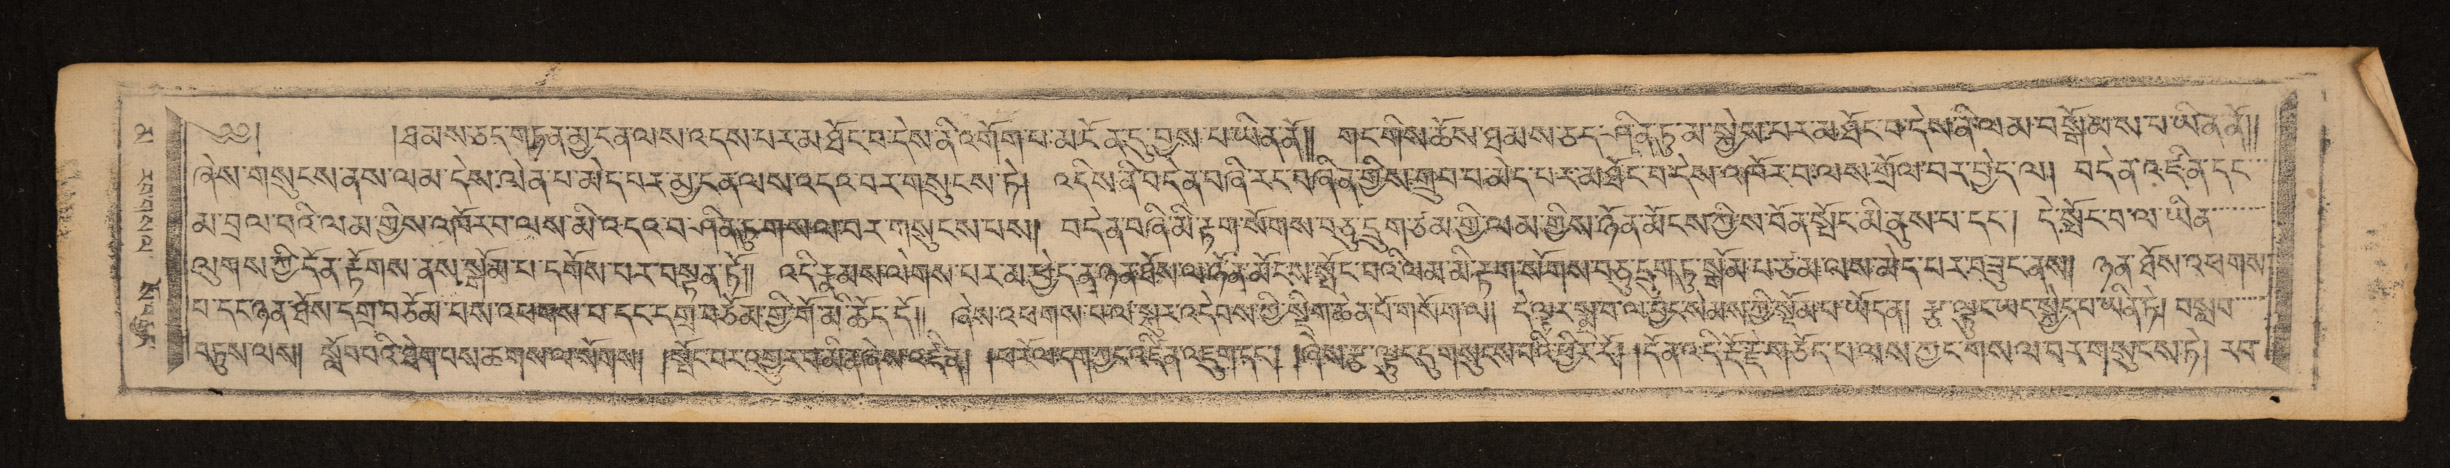༄༅། །ཐམས་ཅད་གཏན་མྱ་ངན་ལས་འདས་པར་མཐོང་བ་དེས་ནི་འགོག་པ་མངོན་དུ་བྱས་པ་ཡིན་ནོ།། གང་གིས་ཆོས་ཐམས་ཅད་ཤིན་ཏུ་མ་སྐྱེས་པར་མཐོང་བ་དེས་ནི་ལམ་བསྒོམས་པ་ཡིན་ནོ།།
ཞེས་གསུངས་ནས་ལམ་དེས་ལེན་པ་མེད་པར་མྱ་ངན་ལས་འདའ་བར་གསུངས་ཏེ། འདིས་ནི་བདེན་བཞི་རང་བཞིན་གྱིས་གྲུབ་པ་མེད་པར་མཐོང་བ་དེས་འཁོར་བ་ལས་གྲོལ་བར་བྱེད་ལ། བདེན་འཛིན་དང་
མ་བྲལ་བའི་ལམ་གྱིས་འཁོར་བ་ལས་མི་འདའ་བ་ཤིན་ཏུ་གསལ་བར་གསུངས་པས། བདེན་བཞི་མི་རྟག་སོགས་བཅུ་དྲུག་ཙམ་གྱི་ལམ་གྱིས་ཉོན་མོངས་ཀྱི་ས་བོན་སྤོང་མི་ནུས་པ་དང་། དེ་སྤོང་བ་ལ་ཡིན་
ལུགས་ཀྱི་དོན་རྟོགས་ནས་སྒོམ་པ་དགོས་པར་བསྟན་ཏོ།། འདི་རྣམས་ལེགས་པར་མ་ཕྱེད་ན་ཉན་ཐོས་ལ་ཉོན་མོངས་སྤོང་བའི་ལམ་མི་རྟག་སོགས་བཅུ་དྲུག་ཏུ་སྒོམ་པ་ཙམ་ལས་མེད་པར་བཟུང་ནས། ཉན་ཐོས་འཕགས་
པ་དང་ཉན་ཐོས་དགྲ་བཅོམ་པས་འཕགས་པ་དང་དགྲ་བཅོམ་གྱི་གོ་མི་ཆོད་དོ།། ཞེས་འཕགས་པ་ལ་སྐུར་འདེབས་ཀྱི་སྡིག་ཆེན་པོ་གསོག་ལ། དེ་ལྟར་སྨྲ་བ་ལ་བྱང་སེམས་ཀྱི་སྡོམ་པ་ཡོད་ན། རྩ་ལྟུང་ཡང་སྐྱེད་པ་ཡིན་ཏེ། བསླབ་
བཏུས་ལས། སློབ་པའི་ཐེག་པས་ཆགས་ལ་སོགས། །སྤོང་བར་འགྱུར་བ་མིན་ཞེས་འཛིན། །ཕ་རོལ་དག་ཀྱང་འཛིན་འཇུག་དང་། །ཞེས་རྩ་ལྟུང་དུ་གསུངས་པའི་ཕྱིར་རོ། །དོན་འདི་རྡོ་རྗེ་གཅོད་པ་ལས་ཀྱང་གསལ་བར་གསུངས་ཏེ། རབ་